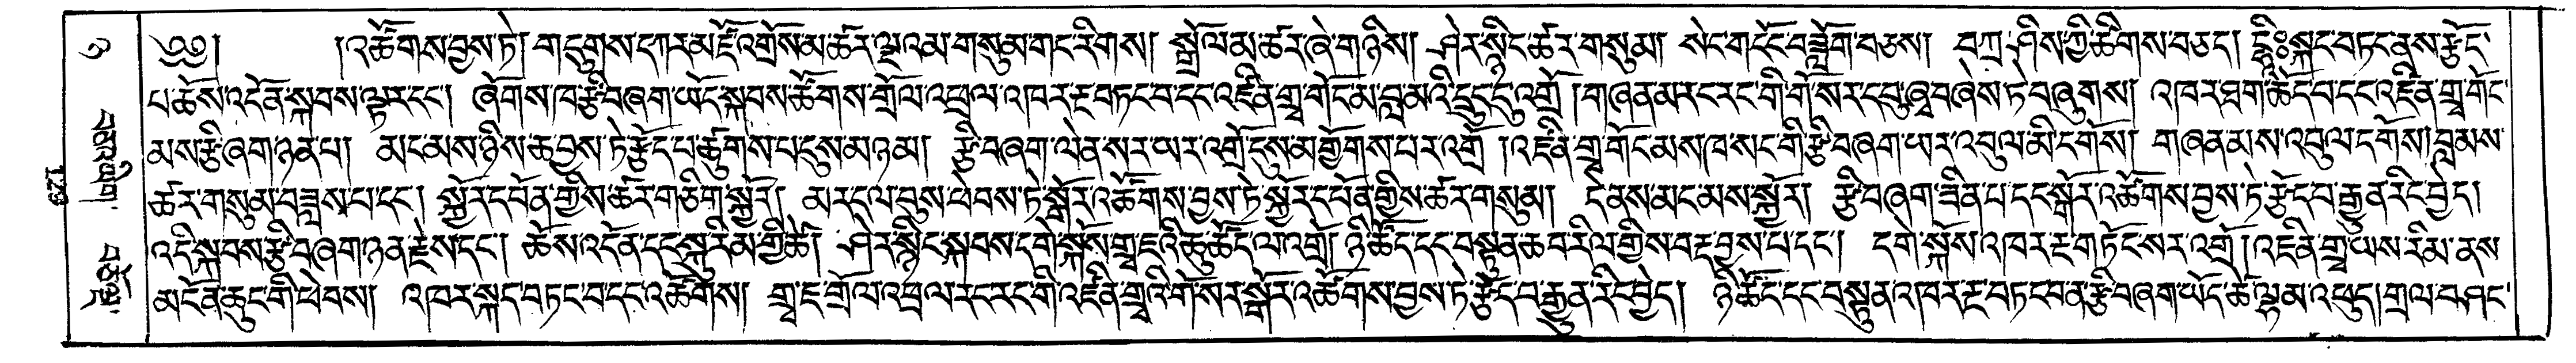༄༅། །འཚོགས་བྱས་ཏེ། གདུགས་དཀར་མཛོ་འགྲོས་མཚར་ལྔ་འམ་གསུམ་གང་རིགས། སྒྲོལ་མ་ཚར་ཞེ་གཉིས། ཤེར་སྙིང་ཚར་གསུམ། སེང་གདོང་བཟློག་བཅས། བཀྲ་ཤིས་ཀྱི་ཚིགས་བཅད། དྷཱིཿསྐད་བཏང་ནས་རྩོད་
པ་ཆོས་འདོན་སྐབས་ལྟར་དང་། ཞོགས་ཁ་རྩི་བཞག་ཡོད་སྐབས་ཚོགས་གྲོལ་འཕྲལ་འཁར་རྔ་བཏང་བ་དང་འཛིན་གྲྭ་གོང་མ་བླ་མའི་དྲུང་དུ་འགྲོ་།གཞན་མ་རང་རང་གི་གོ་སར་དབུ་ཞྭ་བཞེས་ཏེ་བཞུགས། འཁར་ཐག་ཆོད་པ་དང་འཛིན་གྲྭ་གོང་
མས་རྩི་ཞག་ཉན་པ། མང་མས་ཉིས་ཆ་བྱས་ཏེ་རྩོད་པ་ཚུགས་པ་དུས་མཉམ། རྩི་བཞག་ལེན་སར་ཡར་འགྲོ་དུས་མགྱོགས་པར་འགྲོ། །འཛིན་གྲྭ་གོང་མས་ཁ་སང་གི་རྩི་བཞག་ཡར་འབུལ་མི་དགོས། གཞན་མས་འབུལ་དགོས། བླ་མས་
ཚར་གསུམ་བཟླས་པ་དང་། སྐྱོར་དཔོན་གྱིས་ཚར་གཅིག་སྐྱོར། མར་དལ་བུས་ཕེབས་ཏེ་སྒོར་འཚོགས་བྱས་ཏེ་སྐྱོར་དཔོན་གྱིས་ཚར་གསུམ། དེ་ནས་མང་མས་སྐྱོར། རྩི་བཞག་ཟིན་པ་དང་སྒོར་འཚོགས་བྱས་ཏེ་རྩོད་པ་རྒྱུན་རིང་བྱེད།
འདི་སྐབས་རྩི་བཞག་ཉན་རྗེས་དང་། ཆོས་འདོན་དང་སྐུ་རིམ་གྱི་ཚེ། ཤེར་སྙིང་སྐབས་དགེ་སྐོས་གྲྭ་ཇའི་ཆུ་ཚོད་ལ་འགྲོ། ཉི་ཚོད་དང་བསྟུན་ཆབ་རིལ་གྱིས་བརྔ་བྱས་པ་དང་། དགེ་སྐོས་འཁར་རྔ་གཏོང་སར་འགྲོ། འཛིན་གྲྭ་ཡས་རིམ་ནས་
མངོན་ཆུང་གི་ཕེབས། འཁར་སྐད་བཏང་བ་དང་འཚོགས། གྲྭ་ཇ་གྲོལ་འཕྲལ་རང་རང་གི་འཛིན་གྲྭའི་གོ་སར་སྒོར་འཚོགས་བྱས་ཏེ་རྩོད་པ་རྒྱུན་རིང་བྱེད། ཉི་ཚོད་དང་བསྟུན་འཁར་རྔ་བཏང་བ་ན་རྩི་བཞག་ཡོད་ཚེ་ལྷམ་འཕུད། གྲལ་བཤད་